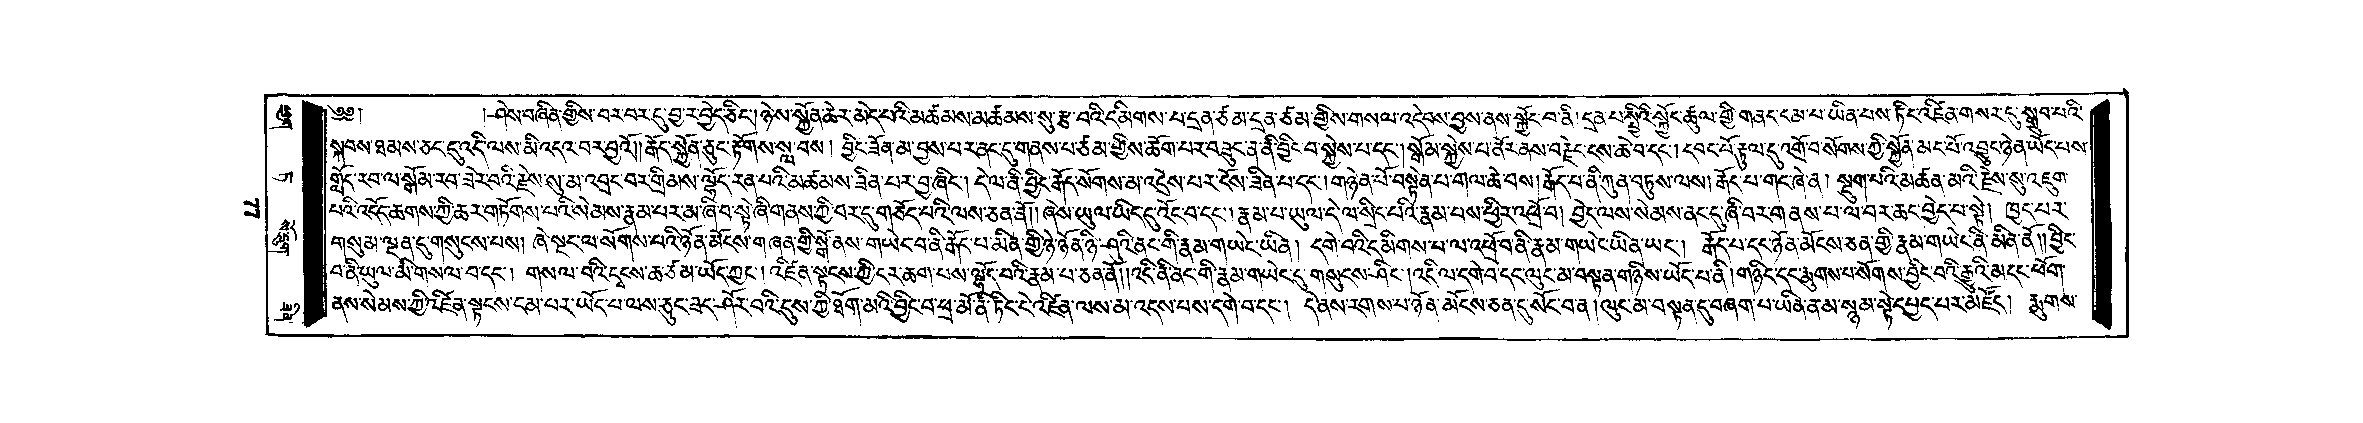༄༅། །ཤེས་བཞིན་གྱིས་བར་བར་དུ་བྱ་ར་བྱེད་ཅིང་། ཉེས་སྐྱོན་ཆེར་མེད་པའི་མཚམས་མཚམས་སུ་རྩ་བའི་དམིགས་པ་དྲན་ཙམ་དྲན་ཙམ་གྱིས་གསལ་འདེབས་བྱས་ནས་སྐྱོང་བ་ནི། དྲན་པ་སྤྱིའི་སྐྱོང་ཚུལ་གྱི་གནད་དམ་པ་ཡིན་པས་ཏིང་འཛིན་གསར་དུ་སྒྲུབ་པའི་
སྐབས་ཐམས་ཅད་དུ་འདི་ལས་མི་འདའ་བར་བྱའོ། །རྒོད་སྐྱོན་ཅུང་རྟོགས་སླ་བས། བྱིང་ཟོན་མ་བྱས་པར་ནང་དུ་གནས་པ་ཙམ་གྱིས་ཆོག་པར་བཟུང་ན་ནི་བྱིང་བ་སྐྱེས་པ་དང་། སྒོམ་སྐྱེས་པ་ནོར་ནས་བརྗེད་ངས་ཆེ་བ་དང་། དབང་པོ་རྟུལ་དུ་འགྲོ་བ་སོགས་ཀྱི་སྐྱོན་མང་པོ་འབྱུང་ཉེན་ཡོད་པས་
གློད་རབ་ལ་སྒོམ་རབ་ཟེར་བའི་རྗེས་སུ་མ་འབྲང་བར་གྲིམས་ལྷོད་རན་པའི་མཚམས་ཟིན་པར་བྱ་ཞིང་། དེ་ལ་ནི་བྱིང་རྒོད་སོགས་མ་འདྲེས་པར་ངོས་ཟིན་པ་དང་། གཉེན་པོ་བསྟེན་པ་གལ་ཆེ་བས། རྒོད་པ་ནི་ཀུན་བཏུས་ལས། རྒོད་པ་གང་ཞེ་ན། སྡུག་པའི་མཚན་མའི་རྗེས་སུ་འཇུག་
པའི་འདོད་ཆགས་ཀྱི་ཆར་གཏོགས་པའི་སེམས་རྣམ་པར་མ་ཞི་བ་སྟེ་ཞི་གནས་ཀྱི་བར་དུ་གཅོད་པའི་ལས་ཅན་ནོ། །ཞེས་ཡུལ་ཡིད་དུ་འོང་བ་དང་། རྣམ་པ་ཡུལ་དེ་ལ་སྲིད་པའི་རྣམ་པས་ཕྱིར་འཕྲོ་བ། བྱེད་ལས་སེམས་ནང་དུ་ཞི་བར་གནས་པ་ལ་བར་ཆད་བྱེད་པ་སྟེ། ཁྱད་པར་
གསུམ་ལྡན་དུ་གསུངས་པས། ཞེ་སྡང་ལ་སོགས་པའི་ཉོན་མོངས་གཞན་གྱི་སྒོ་ནས་གཡེང་བ་ནི་རྒོད་པ་མིན་གྱི་ཉེ་ཉོན་ཉི་ཤུའི་ནང་གི་རྣམ་གཡེང་ཡིན། དགེ་བའི་དམིགས་པ་ལ་འཕྲོ་བ་ནི་རྣམ་གཡེང་ཡིན་ཡང་། རྒོད་པ་དང་ཉོན་མོངས་ཅན་གྱི་རྣམ་གཡེང་ནི་མིན་ནོ། །བྱིང་
བ་ནི་ཡུལ་མི་གསལ་བ་དང་། གསལ་བའི་དྭངས་ཆ་ཙམ་ཡོད་ཀྱང་། འཛིན་སྟངས་ཀྱི་ངར་ཆག་པས་ལྷོད་པའི་རྣམ་པ་ཅན་ནོ། །འདི་ནི་ནང་གི་རྣམ་གཡེང་དུ་གསུངས་ཤིང་། འདི་ལ་དགེ་བ་དང་ལུང་མ་བསྟན་གཉིས་ཡོད་པ་ནི། གཉིད་དང་རྨུགས་པ་སོགས་བྱིང་བའི་རྒྱུའི་མདང་ཕོག་
ནས་སེམས་ཀྱི་འཛིན་སྟངས་དམ་པར་ཡོད་པ་ལས་ཅུང་ཟད་ཤོར་བའི་དུས་ཀྱི་ཐོག་མའི་བྱིང་བ་ཕྲ་མོ་ནི་ཏིང་ངེ་འཛིན་ལས་མ་འདས་པས་དགེ་བ་དང་། དེ་ནས་རགས་པ་ཉོན་མོངས་ཅན་དུ་སོང་བ་ན། ལུང་མ་བསྟན་དུ་བཞག་པ་ཡིན་ནམ་སྙམ་སྟེ་དཔྱད་པར་མཛོད། རྨུགས་